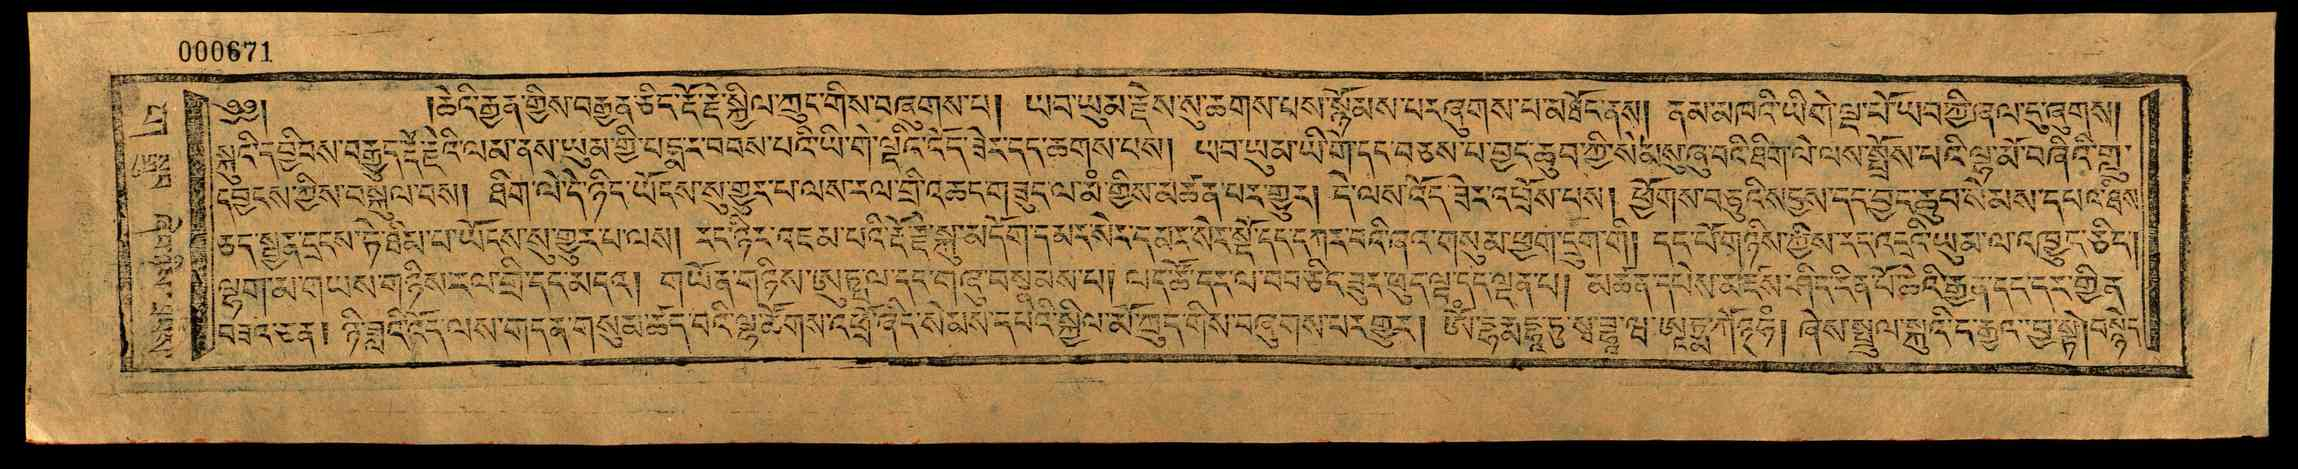༄༅། །ཆེའི་རྒྱན་གྱིས་བརྒྱན་ཅིང་རྡོ་རྗེ་སྐྱིལ་ཀྲུང་གིས་བཞུགས་པ། ཡབ་ཡུམ་རྗེས་སུ་ཆགས་པས་སྙོམས་པར་ཞུགས་པ་མཐོང་ནས། ནམ་མཁའི་ཡི་གེ་ལྔ་པོ་ཡབ་ཀྱི་ཞལ་དུ་ཞུགས།
སྐུའི་དབྱིབས་བརྒྱུད་རྡོ་རྗེའི་ལམ་ནས་ཡུམ་གྱི་པདམར་བབས་པའི་ཡི་གེ་ལྔའི་འོད་ཟེར་དང་ཆགས་པས། ཡབ་ཡུམ་ཡི་གེ་དང་བཅས་པ་བྱང་ཆུབ་ཀྱི་སེམས་སུ་ཞུ་བའི་ཐིག་ལི་ལས་སྤྲོས་པའི་ལྷ་མོ་བཞིའི་གླུ་
དབྱངས་ཀྱིས་བསྐུལ་བས། ཐིག་ལེ་དེ་ཉིད་ཡོངས་སུ་གྱུར་པ་ལས་རལ་གྲི་འཆང་གཟུང་ལ་མཾ་གྱིས་མཚན་པར་གྱུར། དེ་ལས་འོད་ཟེར་འཕྲོས་པས། ཕྱོགས་བཅུའི་སངས་རྒྱས་དང་བྱང་ཆུབ་སེམས་དཔའ་ཐམས་
ཅད་སྤྱན་དྲངས་ཏེ་ཐིམ་པ་ཡོངས་སུ་གྱུར་པ་ལས། རང་ཉིད་འཇམ་པའི་རྡོ་རྗེ་སྐུ་མདོག་དམར་སེར་དམར་སེར་སྔོ་དང་དཀར་བའི་ཞལ་གསུམ་ཕྱག་དྲུག་གི །དང་པོ་གཉིས་ཀྱིས་རང་འདྲའི་ཡུམ་ལ་འཁྱུད་ཅིང་།
ལྷག་མ་གཡས་གཉིས་རལ་གྲི་དང་མདའ། གཡོན་གཉིས་ཨུཏྤལ་དང་གཞུ་བསྣམས་པ། ལང་ཚོ་དར་ལ་བབ་ཅིང་ཟུར་ཕུད་ལྔ་དང་ལྡན་པ། མཚན་དཔེས་མཛེས་ཤིང་རིན་པོ་ཆེའི་རྒྱན་དང་དར་གྱི་ན་
བཟའ་ཅན། ཉི་ཟླའི་འོད་ལས་གདན་གསུམ་ཚང་བའི་ལྷ་ཚོགས་འགྲོ་ཞིང་སེམས་དཔའི་སྐྱིལ་མོ་ཀྲུང་གིས་བཞུགས་པར་གྱུར། ཨོཾ་དྷརྨ་དྷཱ་ཏུ་སྭ་བྷཱ་ཝ་ཨཱཏྨ་ཀོཉ་ཧཾ། ཞེས་སྤྲུལ་སྐུའི་ང་རྒྱལ་བྱ་སྟེ། བསྙེས་